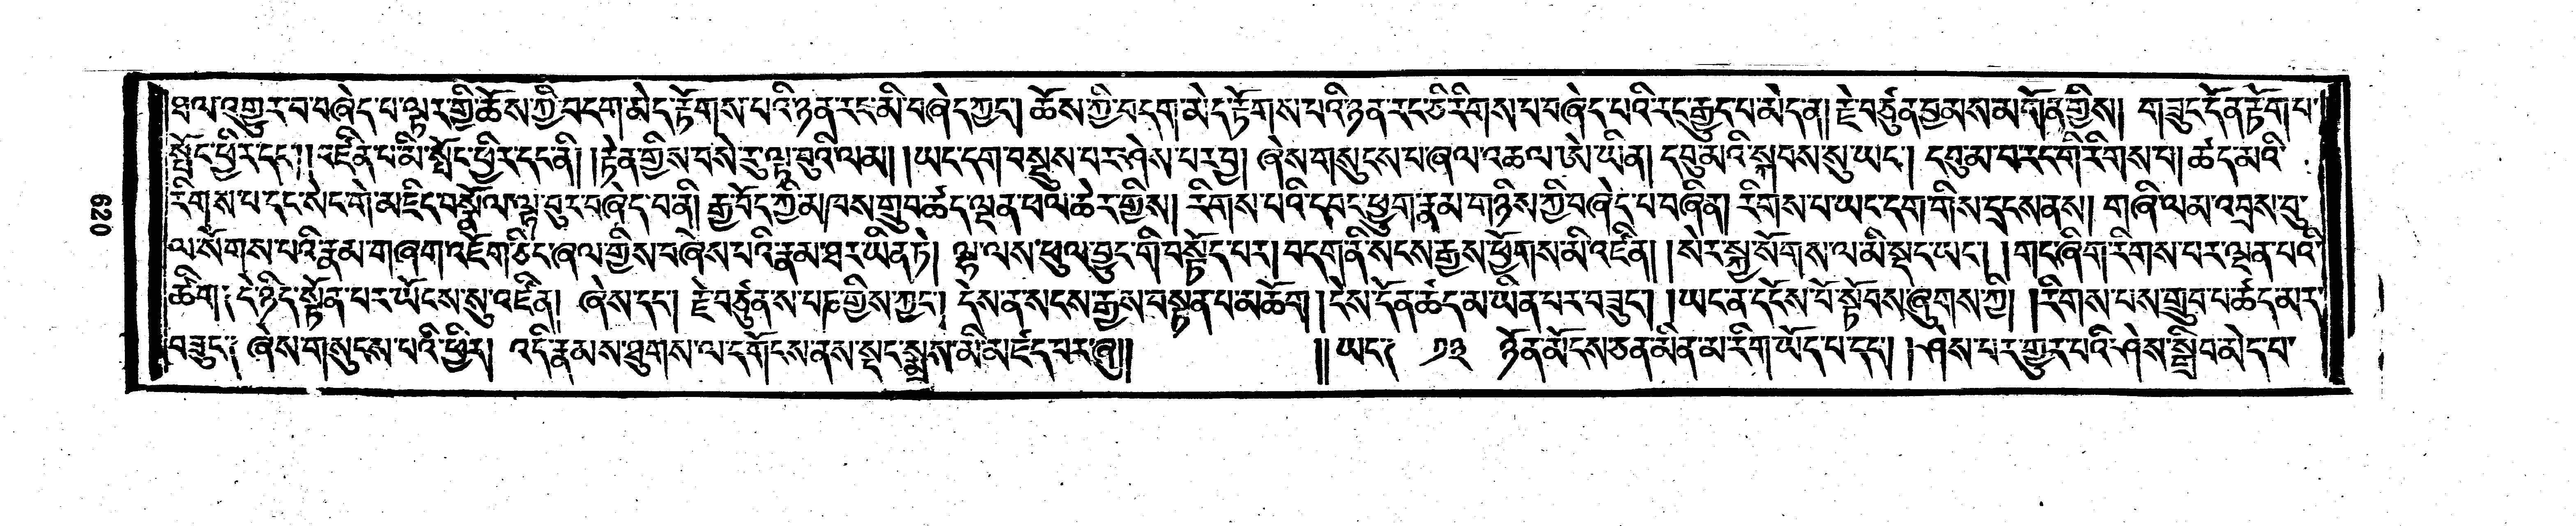ཐལ་འགྱུར་བ་བཞེད་པ་ལྟར་གྱི་ཆོས་ཀྱི་བདག་མེད་རྟོགས་པའི་ཉན་རང་མི་བཞེད་ཀྱང་། ཆོས་ཀྱི་བདག་མེད་རྟོགས་པའི་ཉན་རང་ཅི་རིགས་པ་བཞེད་པའི་རང་རྒྱུད་པ་མེད་ན། རྗེ་བཙུན་བྱམས་མགོན་གྱིས། གཟུང་དོན་རྟོག་པ་
སྤོང་ཕྱིར་དང་། །འཛིན་པ་མི་སྤོང་ཕྱིར་དང་ནི། །རྟེན་གྱིས་བསེ་རུ་ལྟ་བུའི་ལམ། །ཡང་དག་བསྡུས་པར་ཤེས་པར་བྱ། ཞེས་གསུངས་པ་ཞལ་འཆལ་ཨེ་ཡིན། དབུ་མའི་སྐབས་སུ་ཡང་། དབུ་མ་པ་རང་གི་རིགས་པ། ཚད་མའི་
རིགས་པ་དང་སེང་གེ་མཇིང་བསྣོལ་ལྟ་བུར་བཞེད་པ་ནི། རྒྱ་བོད་ཀྱི་མཁས་གྲུབ་ཚད་ལྡན་ཕལ་ཆེར་གྱིས། རིགས་པའི་དབང་ཕྱུག་རྣམ་གཉིས་ཀྱི་བཞེད་པ་བཞིན། རིགས་པ་ཡང་དག་གིས་དྲངས་ནས། གཞི་ལམ་འབྲས་བུ་
ལ་སོགས་པའི་རྣམ་གཞག་འཇོག་ཅིང་ཞལ་གྱིས་བཞེས་པའི་རྣམ་ཐར་ཡིན་ཏེ། ལྷ་ལས་ཕུལ་བྱུང་གི་བསྟོད་པར། བདག་ནི་སངས་རྒྱས་ཕྱོགས་མི་འཛིན། །སེར་སྐྱ་སོགས་ལ་མི་སྡང་ཡང་། །གང་ཞིག་རིགས་པར་ལྡན་པའི་
ཚིག །དེ་ཉིད་སྟོན་པར་ཡོངས་སུ་འཛིན། ཞེས་དང་། རྗེ་བཙུན་ས་པཎ་གྱིས་ཀྱང་། དེས་ན་སངས་རྒྱས་བསྟན་པ་མཆོག །ངེས་དོན་ཚད་མ་ཡིན་པར་བཟུང་། །ཡང་ན་དངོས་པོ་སྟོབས་ཞུགས་ཀྱི། །རིགས་པས་གྲུབ་པ་ཚད་མར་
བཟུང༑ ཞེས་གསུངས་པའི་ཕྱིར། འདི་རྣམས་ཐུགས་ལ་དགོངས་ནས་སྡང་སྨྲས་མི་མཛད་པར་ཞུ།། །།ཡང་། ༡༣་ཉོན་མོངས་ཅན་མིན་མ་རིག་ཡོད་པ་དང་། །ཤེས་པར་གྱུར་པའི་ཤེས་སྒྲིབ་མེད་པ་